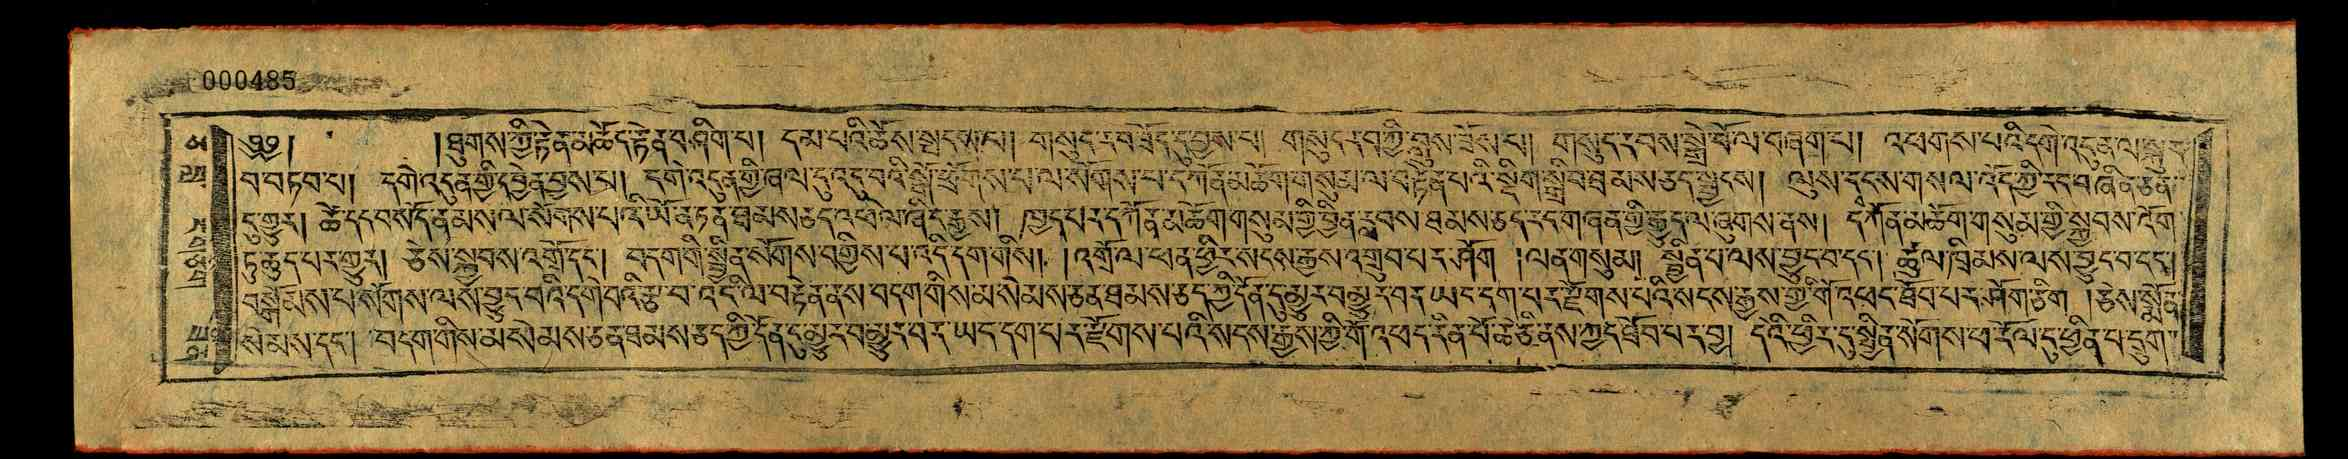༄༅། །ཐུགས་ཀྱི་རྟེན་མཆོད་རྟེན་བཤིག་པ། དམ་པའི་ཆོས་སྤངས་པ། གསུང་རབ་ཟོང་དུ་བྱས་པ། གསུང་རབ་ཀྱི་བླུས་ཟོས་པ། གསུང་རབས་སྒྲེ་བོ་ལ་བཞག་པ། འཕགས་པའི་དགེ་འདུན་ལ་སྐུར་
པ་བཏབ་པ། དགེ་འདུན་གྱི་དབྱེན་བྱས་པ། དགེ་འདུན་གྱི་ཞལ་དུ་འདུ་བའི་སྒོ་ཕྲོགས་པ་ལ་སོགས་པ་དཀོན་མཆོག་གསུམ་ལ་བརྟེན་པའི་སྡིག་སྒྲིབ་ཐམས་ཅད་སྦྱངས། ལུས་དྭངས་གསལ་འོད་ཀྱི་རང་བཞིན་ཅན་
དུ་གྱུར། ཚེ་དང་བསོད་ནམས་ལ་སོགས་པའི་ཡོན་ཏན་ཐམས་ཅད་འཕེལ་ཞིང་རྒྱས། ཁྱད་པར་དཀོན་མཆོག་གསུམ་གྱི་བྱིན་རླབས་ཐམས་ཅད་རང་གཞན་གྱི་རྒྱུད་ལ་ཞུགས་ནས། དཀོན་མཆོག་གསུམ་གྱི་སྐྱབས་འོག་
ཏུ་ཆུད་པར་གྱུར། ཅེས་སྐྱབས་འགྲོ་དང་། བདག་གི་སྦྱིན་སོགས་བགྱིས་པ་འདི་དག་གིས། །འགྲོ་ལ་ཕན་ཕྱིར་སངས་རྒྱས་འགྲུབ་པར་ཤོག །ལན་གསུམ། སྦྱིན་པ་ལས་བྱུང་བ་དང་། ཚུལ་ཁྲིམས་ལས་བྱུང་བ་དང་།
བསྒོམས་པ་སོགས་ལས་བྱུང་བའི་དགེ་བའི་རྩ་བ་འདི་ལ་བརྟེན་ནས་བདག་གིས་མ་སེམས་ཅན་ཐམས་ཅད་ཀྱི་དོན་དུ་མྱུར་བ་མྱུར་བར་ཡང་དག་པར་རྫོགས་པའི་སངས་རྒྱས་གྱི་གོ་འཕང་ཐོབ་པར་ཤོག་ཅིག །ཅེས་སྨོན་
སེམས་དང་། བདག་གིས་མ་སེམས་ཅན་ཐམས་ཅད་ཀྱི་དོན་དུ་མྱུར་བ་མྱུར་བར་ཡང་དག་པར་རྫོགས་པའི་སངས་རྒྱས་ཀྱི་གོ་འཕང་རིན་པོ་ཆེ་ཅི་ནས་ཀྱང་ཐོབ་པར་བྱ། ངེའི་ཕྱིར་དུ་སྦྱིན་སོགས་ཕ་རོལ་དུ་ཕྱིན་པ་དྲུག་